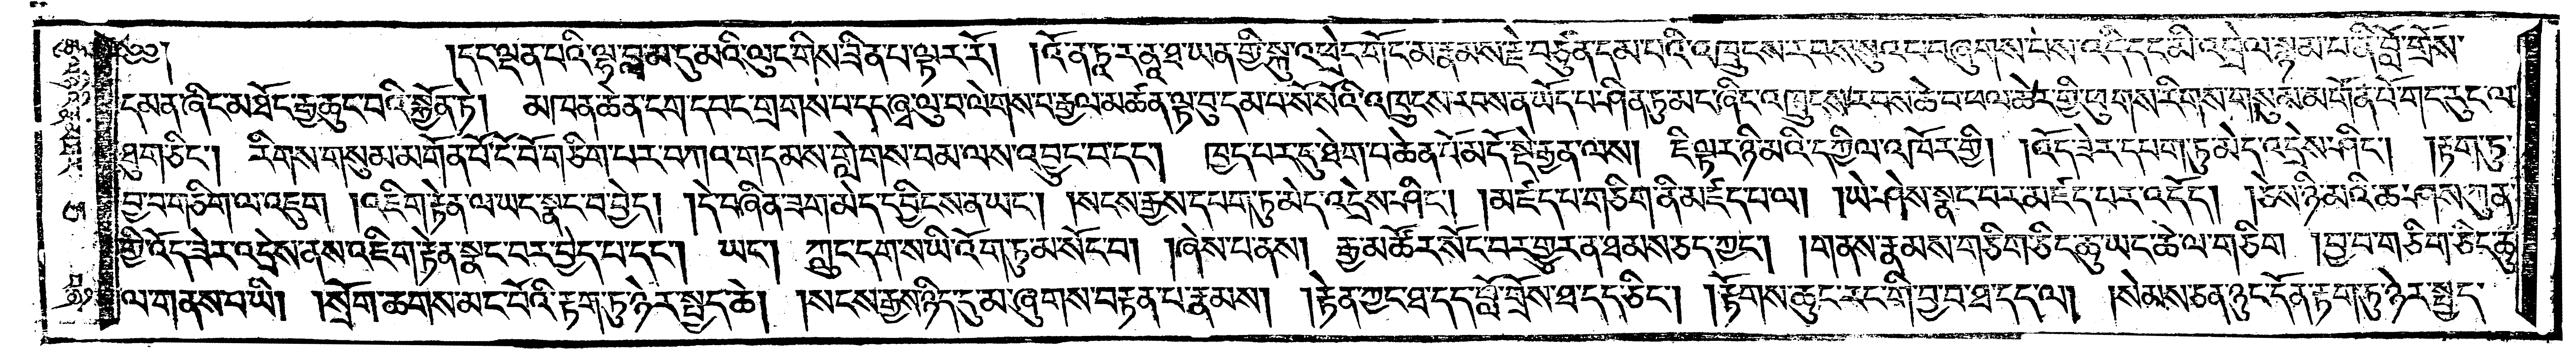༄༅། །དང་ལྡན་བའི་ལྷ་བླ་མ་དུ་མའི་ལུང་གིས་ཟིན་པ་ལྟར་རོ། །འོ་ན་ཏཱ་ར་ནཱ་ཐ་ཡན་གྱི་སྐུ་འཕྲེང་གོང་མ་རྣམས་རྗེ་བཙུན་དམ་པའི་འཁྲུངས་རབས་སུའང་བཞུགས་པས་འདི་དང་མི་འབྲེལ་སྙམ་པ་ནི་བློ་གྲོས་
དམན་ཞིང་མཐོང་རྒྱ་ཆུང་བའི་སྐྱོན་ཏེ། མཁན་ཆེན་ངག་དབང་གྲགས་པ་དང་ཞྭ་ལུ་བ་ལེགས་པ་རྒྱལ་མཚན་ལྟ་བུ་དམ་པ་སོ་སོའི་འཁྲུངས་རབས་ན་ཡོད་པ་ཤིན་ཏུ་མང་ཞིང་འཁྲུངས་རབས་ཆེ་བ་ཕལ་ཆེར་གྱི་ཕུགས་རིགས་གསུམ་མགོན་པོ་གང་རུང་ལ་
ཐུག་ཅིང་། རིགས་གསུམ་མགོན་པོ་ངོ་བོ་གཅིག་པར་བཀའ་གདམས་གླེགས་བམ་ལས་འབྱུང་བ་དང་། ཁྱད་པར་དུ་ཐེག་པ་ཆེན་པོ་མདོ་སྡེ་རྒྱན་ལས། ཇི་ལྟར་ཉི་མའི་དཀྱིལ་འཁོར་གྱི། །འོད་ཟེར་དཔག་ཏུ་མེད་འདྲེས་ཤིང་། །རྟག་ཏུ་
བྱ་བ་གཅིག་ལ་འཇུག །འཇིག་རྟེན་ལ་ཡང་སྣང་བ་བྱེད། །དེ་བཞིན་ཟག་མེད་དབྱིངས་ན་ཡང་། །སངས་རྒྱས་དཔག་ཏུ་མེད་འདྲེས་ཤིང་། །མཛད་པ་གཅིག་ནི་མཛད་པ་ལ། །ཡེ་ཤེས་སྣང་བར་མཛད་པར་འདོད། །ཅེས་ཉི་མའི་ཆ་ཤས་ཀུན་
གྱི་འོད་ཟེར་འདྲེས་ནས་འཇིག་རྟེན་སྣང་བར་བྱེད་པ་དང་། ཡང་། ཀླུང་དག་ས་ཡི་འོག་ཏུ་མ་སོང་བ། །ཞེས་བ་ནས། རྒྱ་མཚོར་སོང་བར་གྱུར་ན་ཐམས་ཅད་ཀྱང་། །གནས་རྣམས་གཅིག་ཅིང་ཆུ་ཡང་ཆེ་ལ་གཅིག །བྱ་བ་གཅིག་ཅིང་ཆུ་
ལ་གནས་པ་ཡི། །སྲོག་ཆགས་མང་པོའི་རྟག་ཏུ་ཉེར་སྤྱད་ཆེ། །སངས་རྒྱས་ཉིད་དུ་མ་ཞུགས་བརྟན་པ་རྣམས། །རྟེན་ཀྱང་ཐ་དད་བློ་གྲོས་ཐ་དད་ཅིང་། །རྟོགས་ཆུང་རང་གི་བྱ་བ་ཐ་དད་ལ། །སེམས་ཅན་ཉུང་དོན་རྟག་ཏུ་ཉེར་སྤྱད་